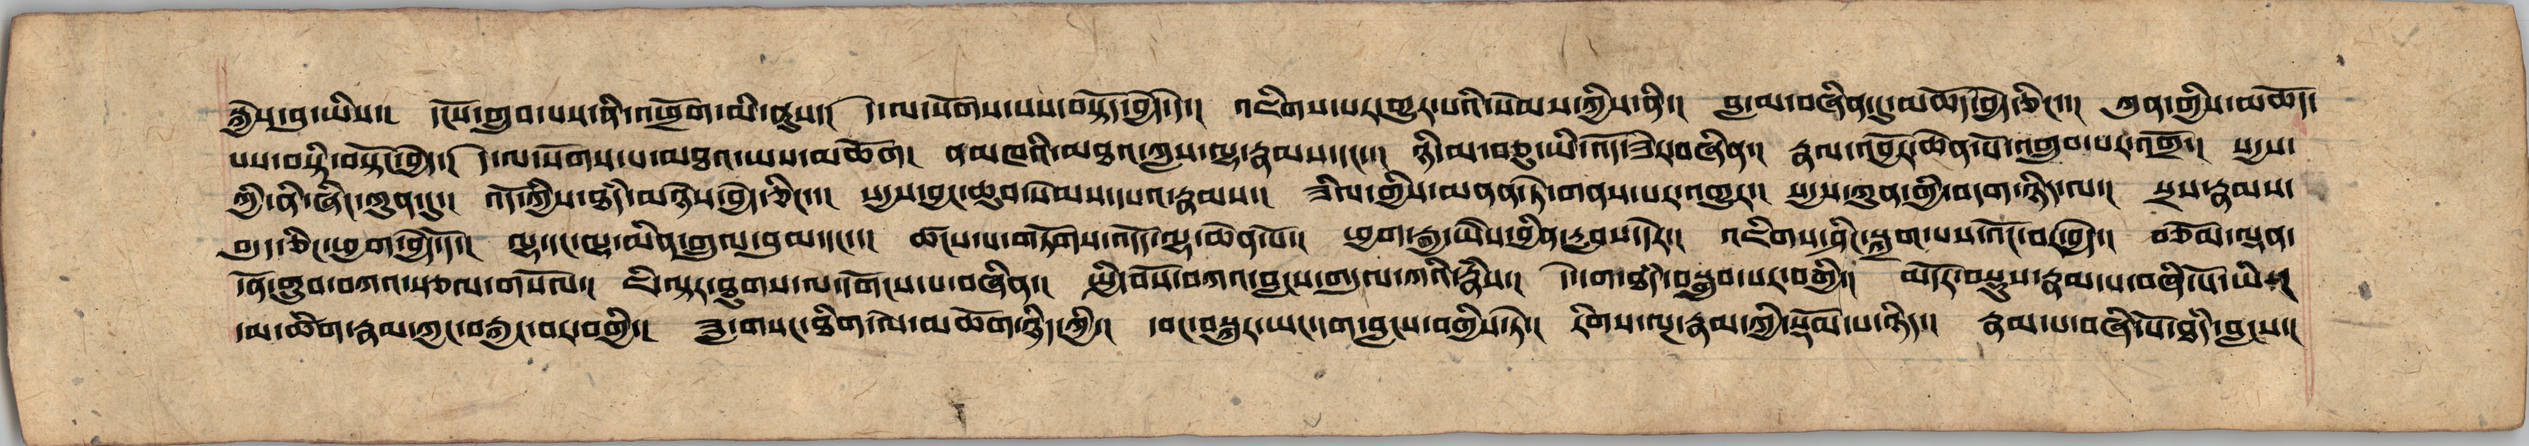སྐྱེས་བུ་ཡིས་། དངོས་གྲུབ་པས་ནི་འཕྲོག་མི་ནུས་། དེ་ལ་སོགས་པས་བསྟོད་བྱེད་དེ་། འཇིགས་པར་གྱུར་པའི་སེམས་ཀྱིས་ནི་། བླ་མ་བཞིན་དུ་མཆོད་བྱེད་ཅིང་་། ཀུན་གྱིས་མཆོད་
པས་བསྟི་བསྟོང་བྱེད་། དེ་ལ་སོགས་པ་མཐའ་ཡས་མཆོག། ནམཁའི་མཐའ་ཀླས་ལྷ་རྣམས་དང་་། ཉི་མ་བཅུ་ཡི་འོད་ཟེར་བཞིན་། རྣལ་འབྱོར་ཆེན་པོ་འགྲུབ་པར་འགྲོ་། སདྱས་
ཀྱི་ནི་ཞིང་ཀུན་དུ་། འོད་ཀྱིས་ཐདཾ་མཉེས་བྱེད་ཅིང་་། སདྱས་བྱང་ཆུབ་སེམས་དཔའ་རྣམས་། ཟིལ་གྱིས་མནན་ཏེ་གནས་པར་འགྱུར་། སདྱས་ཀུན་གྱི་བདག་ཉིད་ལ་། སྲས་རྣམས་
བདུད་ཅིང་ཕྱག་བྱེད་དོ་། ལྷ་དང་ལྷ་མིན་གྲུལ་བུམ་དང་་། ཚངས་པ་གཏོགས་འདོད་ལྷ་ཆེན་པོ་། ཕྱག་རྒྱ་ཡཻས་བྱིན་རླབས་དེར་། འཇིགས་ཤིང་སྐྲག་པས་འོང་བར་བྱེད་། བཅོམ་ལྡན་
དོན་གྲུབ་བཀའ་སྩལ་གསོལ་། ཇི་ལྟར་ཐུགས་ལ་དགོངས་པ་བཞིན་། སྤྱི་བོས་བཀའ་བླངས་གདུལ་ཀའི་རྣཾས་། དེ་དག་ཐདཾ་བསྒྲུབ་པར་བགྱི་། མདོར་བསྡུས་རྣམ་པ་བཞི་པོ་ཡི་།
དམ་ཚིག་རྣམ་ཀྱང་བརྒྱང་བར་བགྱི་། ཟླ་གསང་ཐིག་ལེ་མཆོག་ཉིད་ཀྱི་། དབང་བསྐུར་ཡང་དག་བླངས་བགྱིས་ཏེ་། རིགས་ལྔ་རྣམ་ཀྱི་སྡོམ་པ་ཉིད་། རྣམ་པ་བཞི་པོ་ཐཾད་བླངས་།